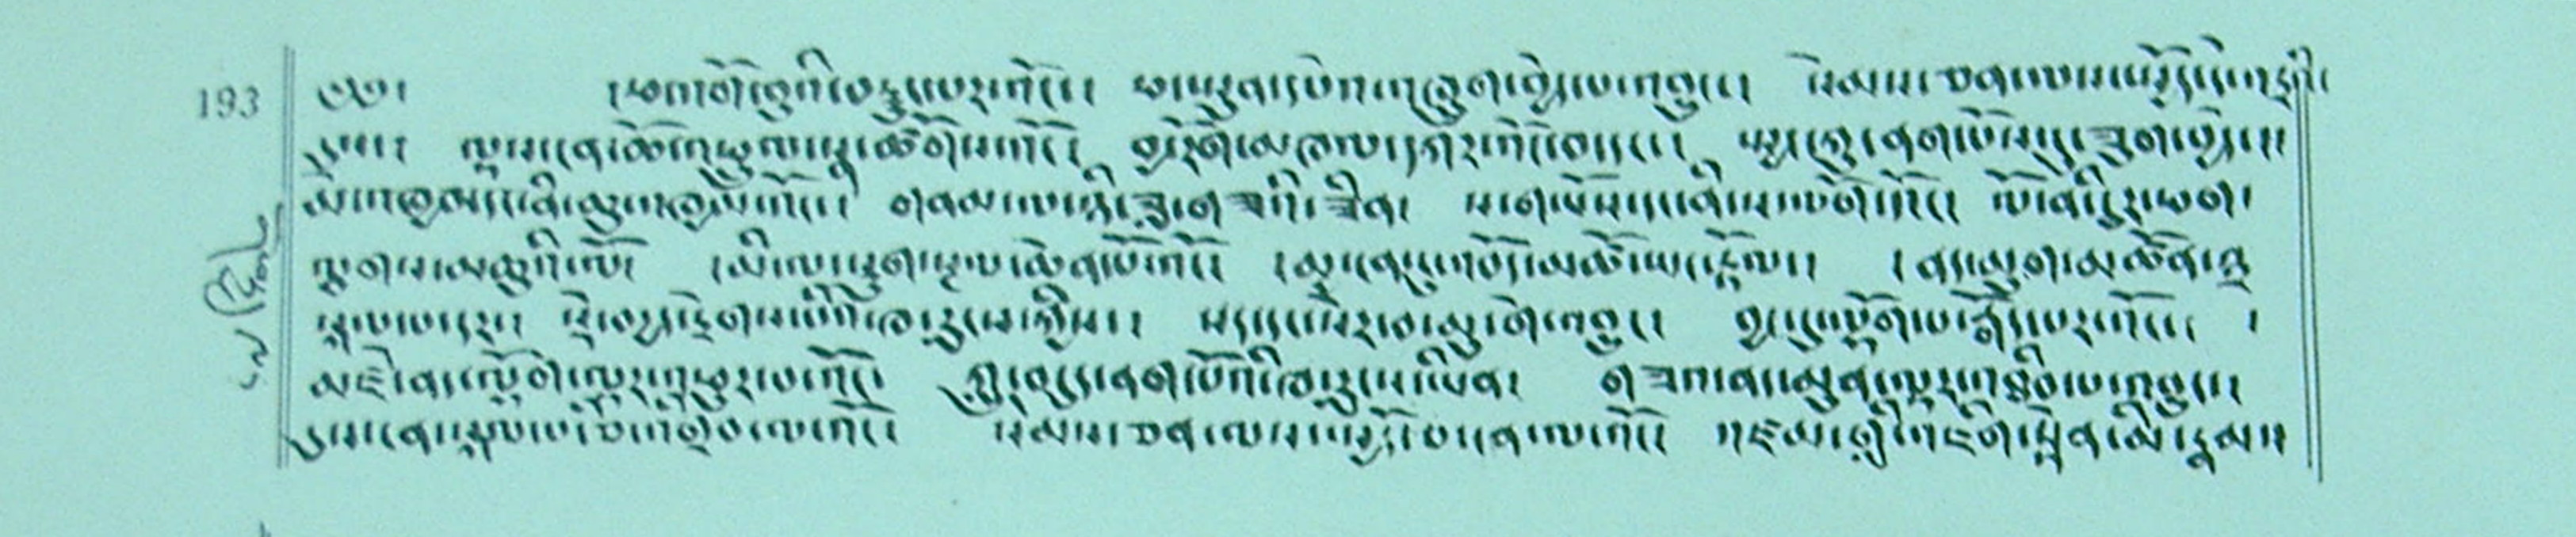༄༅། །ཕ་མགོ་བུ་ཡིས་བརྡུང་བར་འོང་། ཕ་སྤུན་དམེ་འཁྲུག་བྱེད་པར་འབྱུང་། སེམས་ཅན་ལས་སྤྱོད་དེ་འདྲའི་
དུས། ལྟས་ངན་ཆོ་འཕྲུལ་སྣ་ཚོགས་འོང་། བྱ་རོག་མཁལ་དཀར་འོང་བ་དང་། སྤྱང་ཀི་ནག་པོས་ངུ་ཟུག་བྱེད། 
མེ་འཁྱམ་དང་ནི་ཆུ་འཁྱམ་འོང་། གནམ་ལ་ཉི་ཟླ་གཟའི་ཟིན། ས་གཡོས་དང་ནི་ས་ལོག་འོང་། ལོ་ནི་དུར་ཕག་
ལྕགས་མཆུའི་ལོ། མི་ལ་སྡུག་བསྔལ་ཆེན་པོ་འོང་། མྱ་ངན་ངུ་འབོད་མཚོ་ཡང་རྟོལ། ནད་མུག་མཚོན་གསུམ་
བསྐལ་བ་དར། སྡེ་བརྒྱད་དྲེགས་པའི་ཁ་རླངས་ཀྱིས། སད་དང་སེར་བ་མུ་གེ་འབྱུང་། བྱང་དུ་ལྷོག་པ་རྒོད་པར་འོང་། 
མཛེ་ནད་ལྷོག་ལྟར་འཕུར་བ་འོང་། ཀླུ་བདུད་ནག་པོའི་ཁ་རླངས་ཡིན། གཟའ་ནད་མུན་ལྟར་འཐིབས་པ་འབྱུང་། 
དུས་ངན་བསྐལ་བ་ཅི་འགྲིབ་ལ་འོང་། སེམས་ཅན་ལས་སྤྱོད་པ་ངན་ལ་འོང་། འཛམ་གླིང་འཇིག་རྟེན་མི་རྣམས་